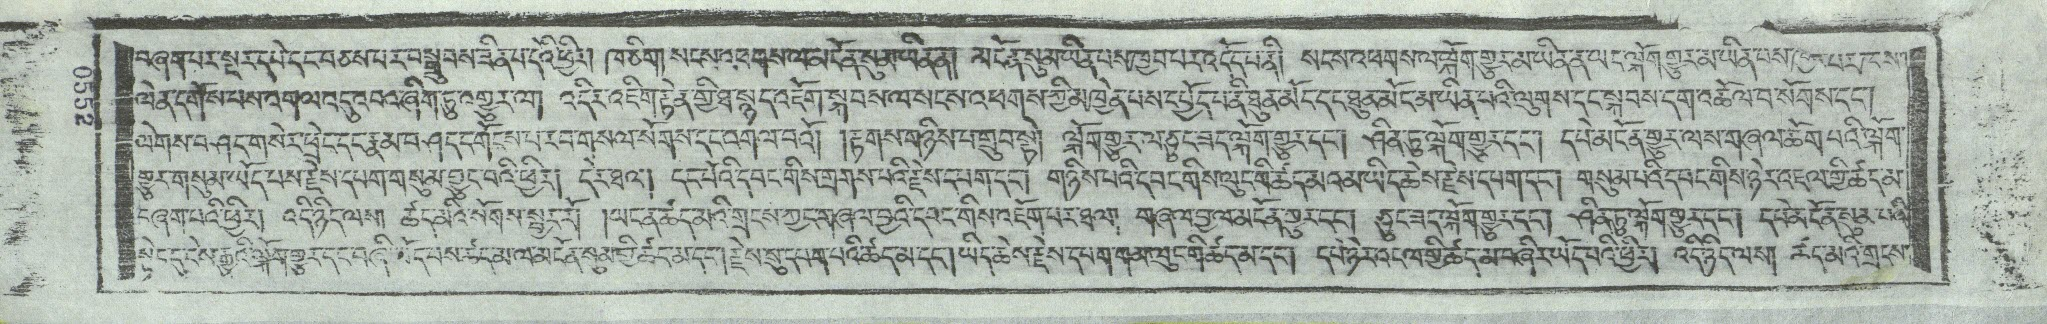བཞག་པར་སྔར་དཔེ་དང་བཅས་པར་བསྒྲུབས་ཟིན་པ་དེའི་ཕྱིར། ཁ་ཅིག། སངས་འཕགས་ལ་མངོན་སུམ་ཡིན་ན། མངོན་སུམ་ཡིན་པས་ཁྱབ་པར་འདོད་པ་ནི། སངས་འཕགས་ལ་ལྐོག་གྱུར་མ་ཡིན་ན་ཡང་ལྐོག་གྱུར་མ་ཡིན་པས་ཁྱབ་པར་ཁས་
ལེན་དགོས་པས་འགལ་འདུ་འབའ་ཞིག་ཏུ་འགྱུར་ལ། འདིར་འཇིག་རྟེན་གྱི་ཐ་སྙད་འཇོག་སྐབས་ལ་སངས་འཕགས་ཀྱི་མཁྱེན་པས་དཔྱོད་པ་ནི་ཐུན་མོང་དང་ཐུན་མོང་མ་ཡིན་པའི་ལུགས་དང་སྐབས་དག་འཆོལ་བ་སོགས་དང་།
ལེགས་བཤད་གསེར་ཕྲེང་དང་རྣམ་བཤད་དགོངས་པ་རབ་གསལ་སོགས་དང་འགལ་བའོ། །རྟགས་གཉིས་པ་གྲུབ་སྟེ། ལྐོག་གྱུར་ལ་ཅུང་ཟད་ལྐོག་གྱུར་དང་། ཤིན་ཏུ་ལྐོག་གྱུར་དང་། དཔེ་མངོན་གྱུར་ལས་གཞལ་ཆོག་པའི་ལྐོག་
གྱུར་གསུམ་ཡོད་པས་རྗེས་དཔག་གསུམ་བྱུང་བའི་ཕྱིར། དེར་ཐལ། དང་པོའི་དབང་གིས་གྲགས་པའི་རྗེས་དཔག་དང་། གཉིས་པའི་དབང་གིས་ལུང་གི་ཚད་མའམ་ཡིད་ཆེས་རྗེས་དཔག་དང་། གསུམ་པའི་དབང་གིས་ཉེར་འཇལ་གྱི་ཚད་མ་
བཞག་པའི་ཕྱིར། འདི་ཉིད་ལས། ཚད་མའི་སོགས་སྦྱར་རོ། །ཡང་ན་ཚད་མའི་གྲངས་ཀྱང་གཞལ་བྱའི་དབང་གིས་འཇོག་པར་ཐལ། གཞལ་བྱ་ལ་མངོན་གྱུར་དང་། ཅུང་ཟད་ལྐོག་གྱུར་དང་། ཤིན་ཨུ་ལྐོག་གྱུར་དང་། དཔེ་མངོན་སུམ་པའི་
སྟེང་དུ་ངེས་རྒྱུའི་ལྐོག་གྱུར་དང་བཞི་ཡོད་པས་ཚད་མ་ལ་མངོན་སུམ་གྱི་ཚད་མ་དང་། རྗེས་སུ་དཔག་པའི་ཚད་མ་དང་། ཡིད་ཆེས་རྗེས་དཔག་གམ་ལུང་གི་ཚད་མ་དང་། དཔེ་ཉེར་འཇལ་གྱི་ཚད་མ་བཞིར་ཡོད་པའི་ཕྱིར། འདི་ཉིད་ལས། ཚད་མའི་གྲངས་